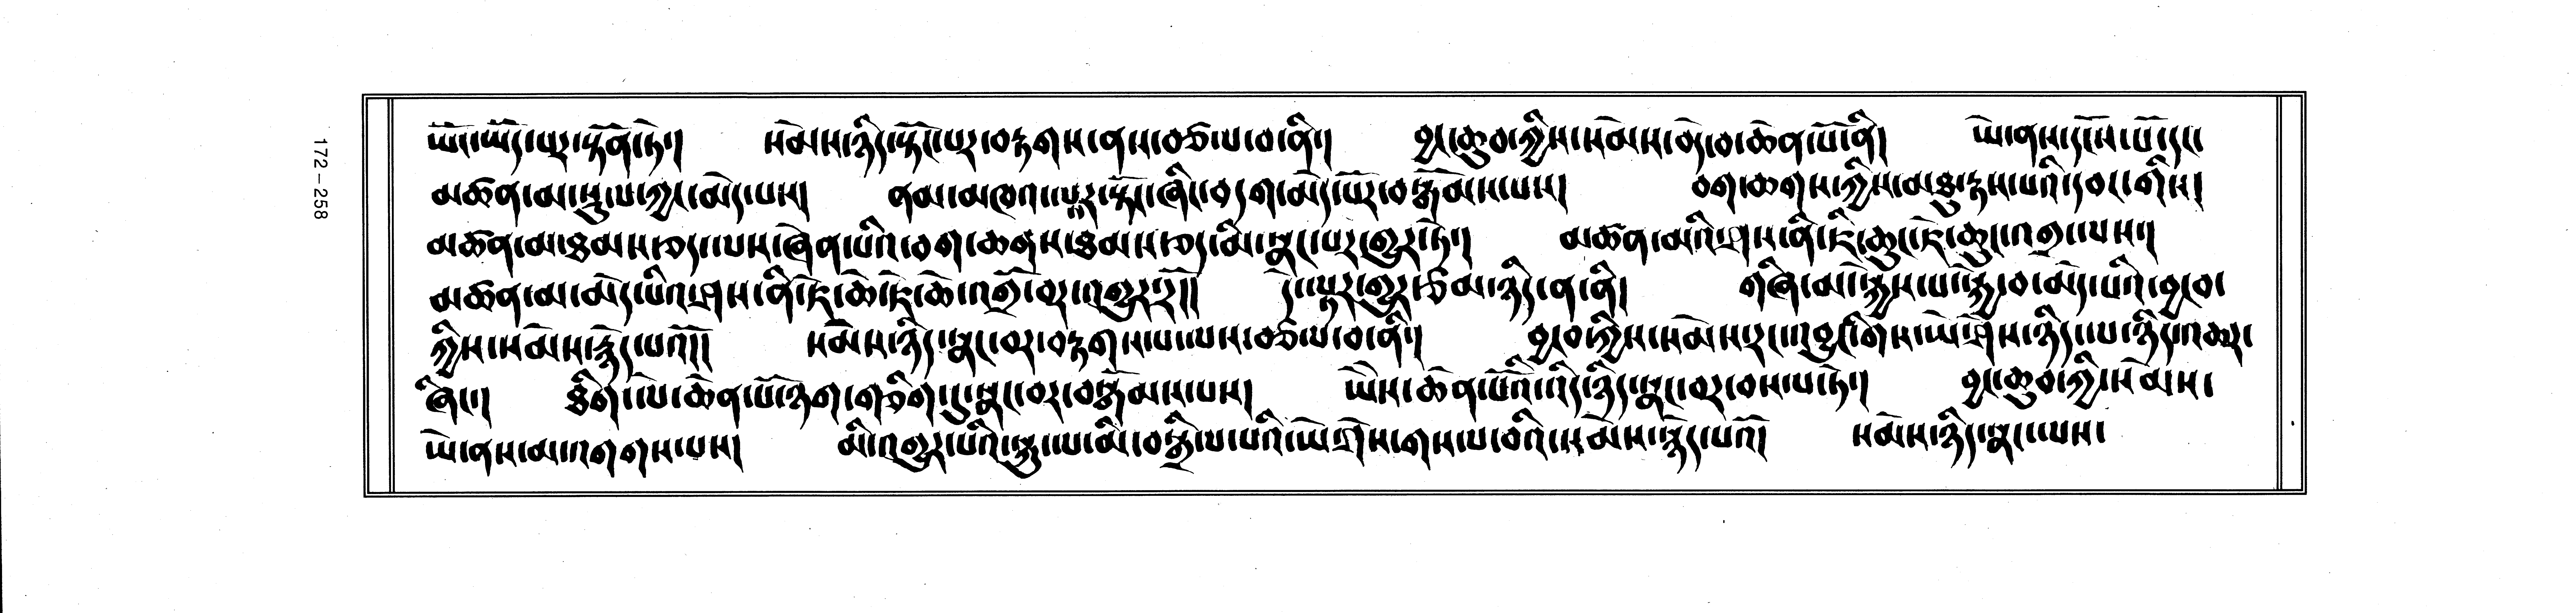ཡོད་པར་སྟོན་ཏེ། སེམས་ཉིད་སྟོང་པར་བརྟགས་ནས་བཙལ་བ་ནི། བྱང་ཆུབ་ཀྱིས་སེམས་བདེ་བ་ཆེན་པོ་ནི། ཡེ་ནས་དངོས་པོ་དང་
མཚན་མ་རྡུལ་ཀྱང་མེད་པས། ནམ་མཁའི་ལྟར་སྟོང་ཞིང་བདག་མེད་པར་བསྒོམས་པས། བག་ཆགས་ཀྱིས་མཐུ་རྟས་པའི་དབང་གིས། 
མཚན་མ་ཐམས་ཅད་ལས་ཞེན་པའི་བག་ཆགས་ཐམས་ཅད་མི་སྣང་པར་གྱུར་ཏེ། མཚན་མའི་ཤས་ནི་ཇི་ཆུང་ཇེ་ཆུང་འགྲོ་ལས། 
མཚན་མ་མེད་པའི་ཤས་ནི་ཇེ་ཆེ་ཇེ་ཆེ་འགྲོ་བར་འགྱུར་རོ། དེ་ལྟར་གྱུར་ཙམ་ཉིད་ན་ནི། གཞི་མ་སྐྱེས་པ་སྐྱེ་བ་མེད་པའི་བྱང་ཆུབ་
ཀྱིས་སེམས་རྙེད་པའོ། སེམས་ཉིད་སྣང་བར་བརྟགས་པ་ལས་བཙལ་བ་ནི། བྱང་ཆུབ་ཀྱིས་སེམས་རང་འབྱུང་གིས་ཡེ་ཤེས་ཉིད་ལ་ཉིད་འཆར་
ཞིང་། ཐིག་ལེ་ཆེན་པོ་ཉག་གཅིག་དུ་སྣང་བར་བསྒོམས་པས། ཡེ་ཤེས་ཆེན་པོའི་འདི་ཉིད་སྣང་བར་བསལ་ཏེ། བྱང་ཆུབ་ཀྱིས་སེམས་
ཡེ་ནས་མ་འགགས་པས། མི་འགྱུར་པའི་སྐུ་ལ་མི་བསྒྲིལ་པའི་ཡེ་ཤེས་གསལ་བའི་སེམས་རྙེད་པའོ། སེམས་ཉིད་སྣང་ལས་